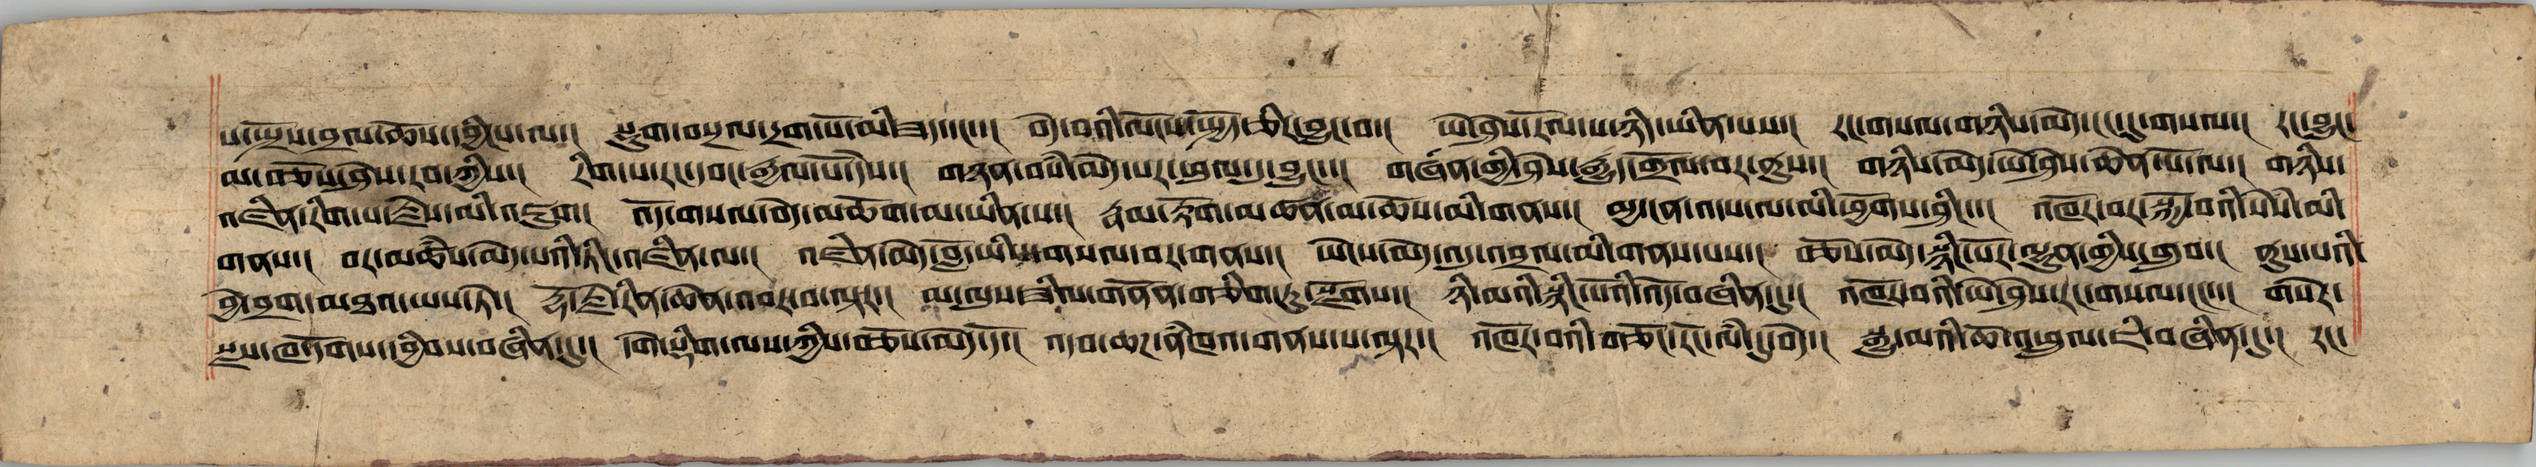པ་སྤྲོས་བྲལ་ཆོས་དབྱིངས་ལ་། སྡུག་བསྔལ་དྲག་པོ་མི་ཟད་དང་་། བདེ་བའི་ལོངས་སྤྱོད་ཅིར་བྱུང་བ་། ཡེ་ཤེས་རོལ་པ་ཉིད་ཡིན་པས་། རང་གསལ་གཉིས་མེད་ངང་དུ་གསལ་། རང་བྱུང་
མ་བཅོས་ཤེས་རབ་ཀྱིས་། རིག་པ་རང་དབང་རྒྱལ་པོ་དེས་། གཉན་བསཾ་མེད་པར་ཕུལ་དུ་བྱུང་་། གཞན་གྱི་ཤེས་རྒྱུད་གྲོལ་བར་ནུས་། གཉིས་མེད་ཡེ་ཤེས་ཆེན་པོ་ལ་། གཉིས་
འཛིན་རིག་པ་རྗེས་མི་འཇུག། འོད་གསལ་བདེ་མཆོག་མ་ཡིན་པ་། རྣམ་རྟོག་མཚན་མ་ཆོས་མི་གནས་། མྱ་ངན་འདས་ལ་མི་ཕྱོགས་ཤིང་་། འཁོར་བར་སྐྱོ་བའི་སེཾས་མི་
གནས་། བར་མཚཾས་མེད་པའི་ཏིང་འཛིན་ལ་། འཛིན་མེད་བློ་ཡིས་གསལ་བར་གནས་། ཡེངས་མེད་འདུ་བྲལ་མིི་གནས་པས་། བཅོས་མེད་སྙིང་པོར་ལྷུན་གྱིས་གྲུབ་། ནུས་པའི་
བྱེ་བྲག་མཐའ་ཡས་ཏེ་། རྡོ་རྗེ་རིན་ཆེན་འབར་བ་ལྟར་། མ་ལུས་ཟིལ་གནོན་གཅིག་ཏུ་སྫོགས་། ཉི་མའི་སྙིང་པོའི་འོད་བཞིན་དུ་། འཁོར་བའི་ཡེ་ཤེས་རང་གསལ་ངང་་། གསེར་
སྫས་ཁ་དོགས་དབྱིབས་བཞིན་དུ་། དགེ་སྡིག་ལས་ཀྱིས་བཅོས་མེད་དོ་། འདབ་ཆཌ་ནཾཁའ་གནས་པ་ལྟར་། འཁོར་བའི་གཅོང་རོང་ལཾ་དུ་བདེ་། སྒྱུ་མའི་ཆོ་འཕྲུལ་ཇི་བཞིན་དུ་། རང་